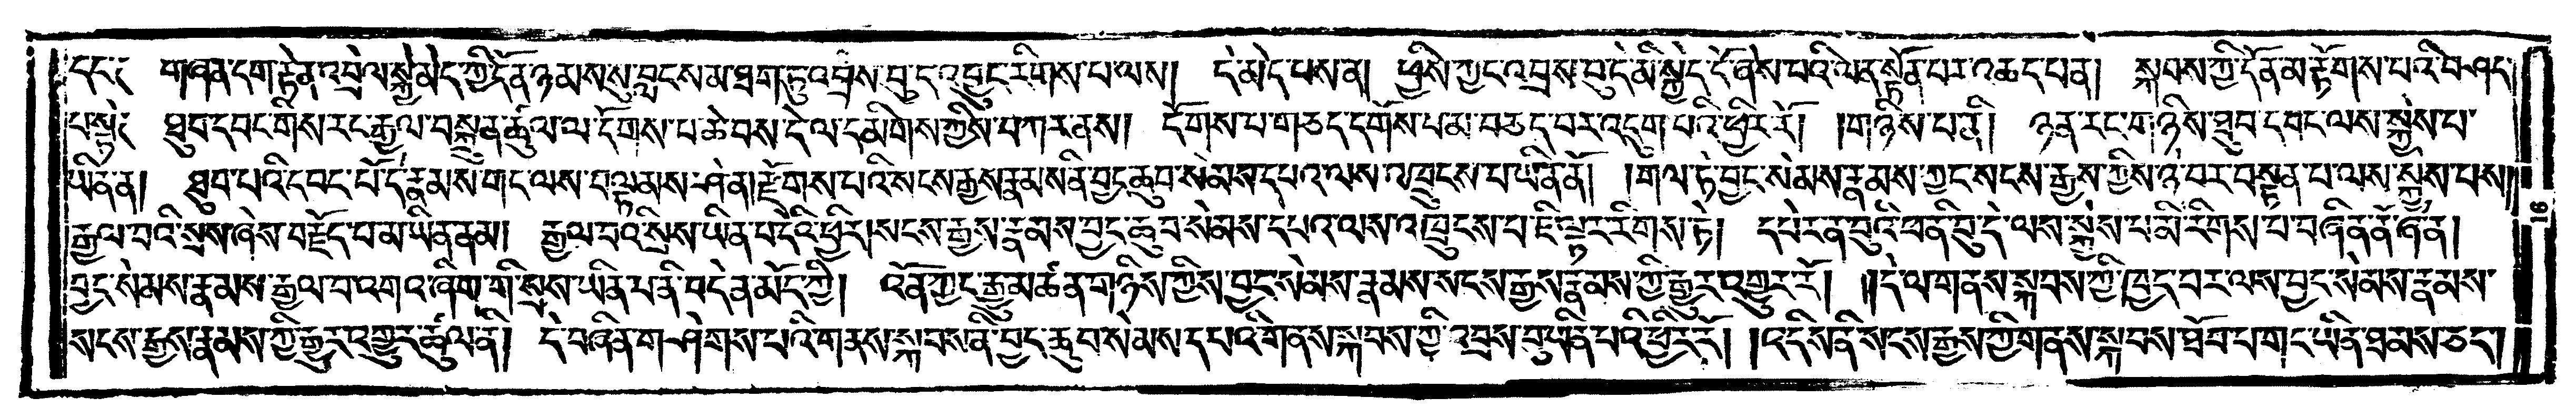དང་། གཞན་དག་རྟེན་འབྲེལ་སྐྱེ་མེད་ཀྱི་དོན་ཉམས་སུ་བླངས་མ་ཐུག་ཏུ་འབྲས་བུ་དེ་འབྱུང་རིགས་པ་ལས། དེ་མེད་པས་ན། ཕྱིས་ཀྱང་འབྲས་བུ་དེ་མི་སྐྱེད་དོ་ཞེས་པའི་ལན་སྟོན་པར་འཆད་པ་ནི། སྐབས་ཀྱི་དོན་མ་རྟོགས་པའི་བཤད་
པ་སྟེ། ཐུབ་དབང་གིས་རང་རྒྱལ་བསྐྲུན་ཚུལ་ལ་དོགས་པ་ཆེ་བས་དེ་ལ་དམིགས་ཀྱིས་བཀར་ནས། དོགས་པ་གཅད་དགོས་པ་མ་བཅད་པར་འདུག་པའི་ཕྱིར་རོ། །གཉིས་པ་ནི། ཉན་རང་གཉིས་ཐུབ་དབང་ལས་སྐྱེས་པ་
ཡིན་ནོ། ཐུབ་པའི་དབང་པོ་དེ་རྣམས་གང་ལས་བལྟམས་ཤེ་ན། རྫོགས་པའི་སངས་རྒྱས་རྣམས་ནི་བྱང་ཆུབ་སེམས་དཔའ་ལས་འཁྲུངས་པ་ཡིན་ནོ། །གལ་ཏེ་བྱང་སེམས་རྣམས་ཀྱང་སངས་རྒྱས་ཀྱིས་ཉེ་བར་བསྟན་པ་ལས་སྐྱེས་པས།
རྒྱལ་བའི་སྲས་ཞེས་བརྗོད་པ་མ་ཡིན་ནམ། རྒྱལ་བའི་སྲས་ཡིན་པ་དེའི་ཕྱིར། སངས་རྒྱས་རྣམས་བྱང་ཆུབ་སེམས་དཔའ་ལས་འཁྲུངས་པ་ཇི་ལྟར་རིགས་ཏེ། དཔེར་ན་བུའི་ཕ་ནི་བུ་དེ་ལས་སྐྱེས་པ་མི་རིགས་པ་བཞིན་ནོ་ཞེ་ན།
བྱང་སེམས་རྣམས་རྒྱལ་བ་འགའ་ཞིག་གི་སྲས་ཡིན་པ་ནི་བདེན་མོད་ཀྱི། འོན་ཀྱང་རྒྱུ་མཚན་གཉིས་ཀྱིས་བྱང་སེམས་རྣམས་སངས་རྒྱས་རྣམས་ཀྱི་རྒྱུར་འགྱུར་རོ། །དེ་ལ་གནས་སྐབས་ཀྱི་ཁྱད་པར་ལས་བྱང་སེམས་རྣམས་
སངས་རྒྱས་རྣམས་ཀྱི་རྒྱུར་འགྱུར་ཚུལ་ནི། དེ་བཞིན་གཤེགས་པའི་གནས་སྐབས་ནི་བྱང་ཆུབ་སེམས་དཔའི་གནས་སྐབས་ཀྱི་འབྲས་བུ་ཡིན་པའི་ཕྱིར་རོ། །འདིས་ནི་སངས་རྒྱས་ཀྱི་གནས་སྐབས་ཐོབ་པ་གང་ཡིན་ཐམས་ཅད།